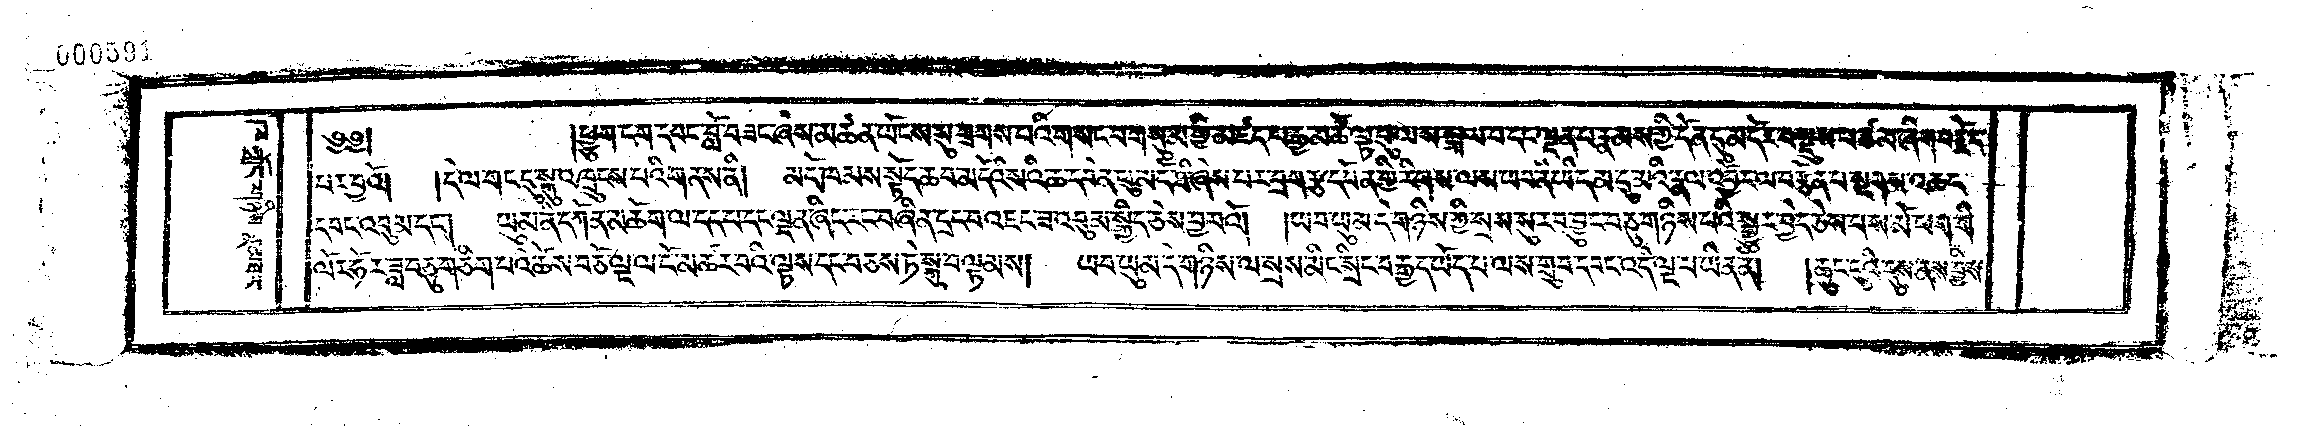༄༅། །ཕྱུག་ངག་དབང་བློ་བཟང་ཞེས་མཚན་ཡོངས་སུ་གྲགས་པའི་གསང་བ་གསུམ་གྱི་མཛད་པ་རྒྱ་མཚོ་ལྟ་བུ་ལས་སྐལ་བ་དང་ལྡན་པ་རྣམས་ཀྱི་དོན་དུ་མདོར་བསྡུས་པ་ཙམ་ཞིག་བརྗོད་
པར་བྱའོ། །དེ་ལ་གང་དུ་སྐུ་འཁྲུངས་པའི་གནས་ནི། མདོ་ཁམས་སྟོད་ཆབ་མདོའི་སའི་ཆ་དབེན་ཕུ་མདོ་ཐི་ཞེས་པར་བྲག་རྩ་དཔོན་གྱི་རིགས་ལས་ཡབ་ནི་ཡི་དམ་དུ་མའི་རྣལ་འབྱོར་ལ་བརྩོན་པ་སྔགས་འཆད་
དབང་འབུམ་དང་། ཡུམ་ནི་དཀོན་མཆོག་ལ་དད་པ་དང་ལྡན་ཞིང་རང་བཞིན་དྲང་བ་འཇང་ཟ་འབུམ་སྐྱིད་ཅེས་བྱ་བའོ། །ཡབ་ཡུམ་དེ་གཉིས་ཀྱི་སྲས་སུ་རབ་བྱུང་བཅུ་གཉིས་པའི་སྒྱུར་བྱེད་ཅེས་པ་ས་མོ་ཕག་གི་
ལོར་ཧོར་ཟླ་བཅུ་གཅིག་པའི་ཚེས་བཅོ་ལྔ་ལ་ངོ་མཚར་བའི་ལྟས་དང་བཅས་ཏེ་སྐུ་བལྟམས། ཡབ་ཡུམ་དེ་གཉིས་ལ་སྲས་མིང་སྲིད་བརྒྱད་ཡོད་པ་ལས་གྲུབ་དབང་འདི་ལྔ་པ་ཡིན་ནོ། །ཆུང་ངུའི་དུས་ནས་བྱིས་